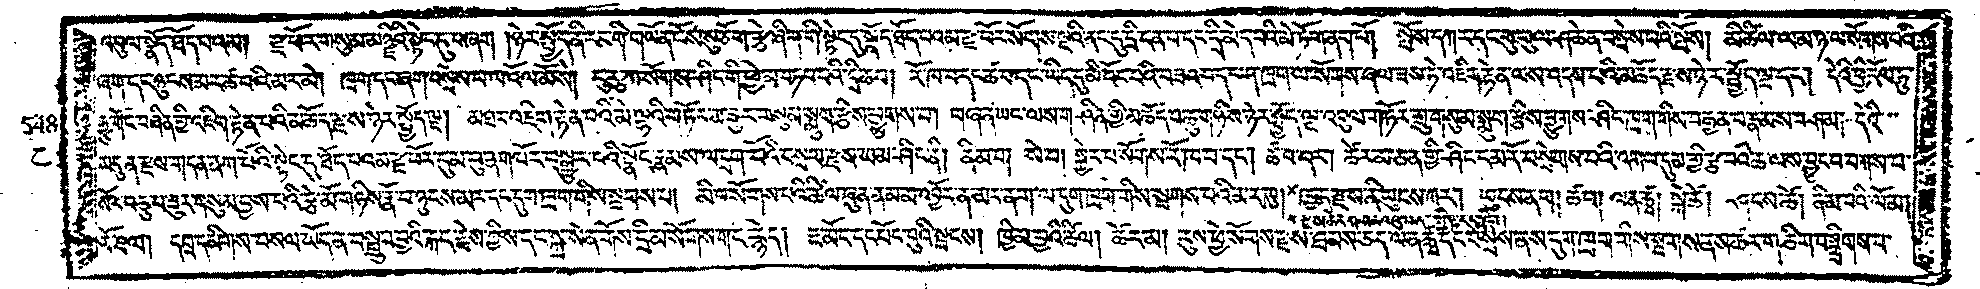འབུལ་སྣོད་ཐོད་པའམ། རྫ་ཕོར་གསུམ་མཉྫིའི་སྟེང་དུ་བཞག །ཉེར་སྤྱོད་ནི་རང་གི་གཡོན་ངོས་སུ་ཅོག་རྩེ་ཞིག་གི་སྟེང་དུ་སྣོད་ཐོད་པའམ་རྫ་པོར་སོགས་ལྔའི་ནང་དུ་དྲི་ངན་པ་དང་དྲི་མེད་པའི་མེ་ཏོག་ནག་པོ། སྤོས་དཀར་དང་གུ་གུལ་ཤ་ཆེན་བསྲེག་པའི་སྤོས། མི་ཚིལ་ལམ་ཉ་ལ་སོགས་པའི་
ཞག་དང་ཉུངས་མར་ཚ་བའི་མར་མེ། ཁྲག་དང་ཞག་བསྲེས་པ་ལ་འོལ་མོ་སེ། དུ་རུ་ཀ་སོགས་ཤིང་གི་ཕྱེ་མ་བཏབ་བའི་དྲི་ཆབ། རོ་ཁ་བ་དང་ཚ་བ་དང་ཡིད་དུ་མི་འོང་བའི་བཟའ་བ་དང་ཤ་ཁྲག་ལ་སོགས་ཞལ་ཟས་ཏེ་འཇིག་རྟེན་ལས་འདས་པའི་མཆོད་རྫས་ཉེར་སྤྱོད་ལྔ་དང་། དེའི་ཕྱི་རོལ་ཏུ་
རྒྱུ་གོང་བཞིན་གྱི་འཇིག་རྟེན་པའི་མཆོད་རྫས་ཉེར་སྤྱོད་ལྔ། མཐར་འཇིག་རྟེན་པའི་མེ་ལྷའི་གཏོར་མ་ཟུར་གསུམ་སྨུག་རྩིས་བྱུགས་པ། གཞན་ཡང་ལས་གཤིན་གྱི་མཆོད་པ་ཆུ་གཉིས་ཉེར་སྤྱོད་ལྔ་འབུལ་གཏོར་གྲུ་གསུམ་སྨུག་རྩིས་བྱུགས་ཤིང་ཁྲག་གིས་བརྒྱན་བ་རྣམས་བཤམ། དེའི་་་
མདུན་རྫས་གདན་ནག་པོའི་སྟེང་དུ་ཐོད་པའམ་རྫ་ཕོར་དུམ་བུ་ནག་པོར་བསྒྱུར་བའི་སྣོད་རྣམས་ལ་དྲག་པོའི་བསྲག་རྫས་ཡམ་ཤིང་ནི། ནིམ་པ། སེ་བ། སྐྱེར་པ་སོགས་རོ་ཁ་བ་དང་། ཚ་བ་དང་། ཚེར་མ་ཅན་གྱི་ཤིང་དམ་རོ་བསྲེགས་པའི་འགལ་དུམ་གྱི་རྩ་བའི་ཆ་ལས་བྱུང་བ་བཀས་པ་
སོར་བཅུ་པ་ཟུར་གསུམ་བྱས་པའི་རྩེ་མོ་གཉིས་རྣོ་བ་ཉུངས་མར་དང་དུག་ཁྲག་གིས་སྦགས་པ། མི་ལ་སོགས་པའི་ཚིལ་ཞུན་ནམ་མ་འབྱོར་ན་མར་ནག་ལ་དུག་ཁྲག་གིས་སྦགས་པའི་མར་ཁུ། རྫས་ཆེར་གཞན་འབུལ་ན་སྤྱི་ལྟར་དུ་སྒྲིག། ཁྱད་རྫས་ནི་ཡུངས་ཀར། ཡུངས་ནག། ཚབ། ལན་ཚྭ། སྐེ་ཚེ། ཤངས་ཚེ། ནིམ་པའི་ལོམ།
རོ་ཐལ། དགྲ་དམིགས་བསལ་ཡོད་ན་བསྒྲུབ་བྱའི་རྐང་རྗེས་ཀྱིས་དང་སྐྲ་སེན་གོས་དྲི་མ་སོགས་གང་རྙེད། རྔ་མོང་དང་པོར་བུའི་སྤངས། ཁྱིམ་བྱའི་ཚིལ། ཚེར་མ། རུས་ཕྱེ་སོགས་རྫས་ཐམས་ཅད་ལན་ཚྭ་དང་བསྲེས་ནས་དུག་ཁྲག་གིས་སྦགས་ནས་ཚར་གཅིག་བསྒྲིགས་པ་